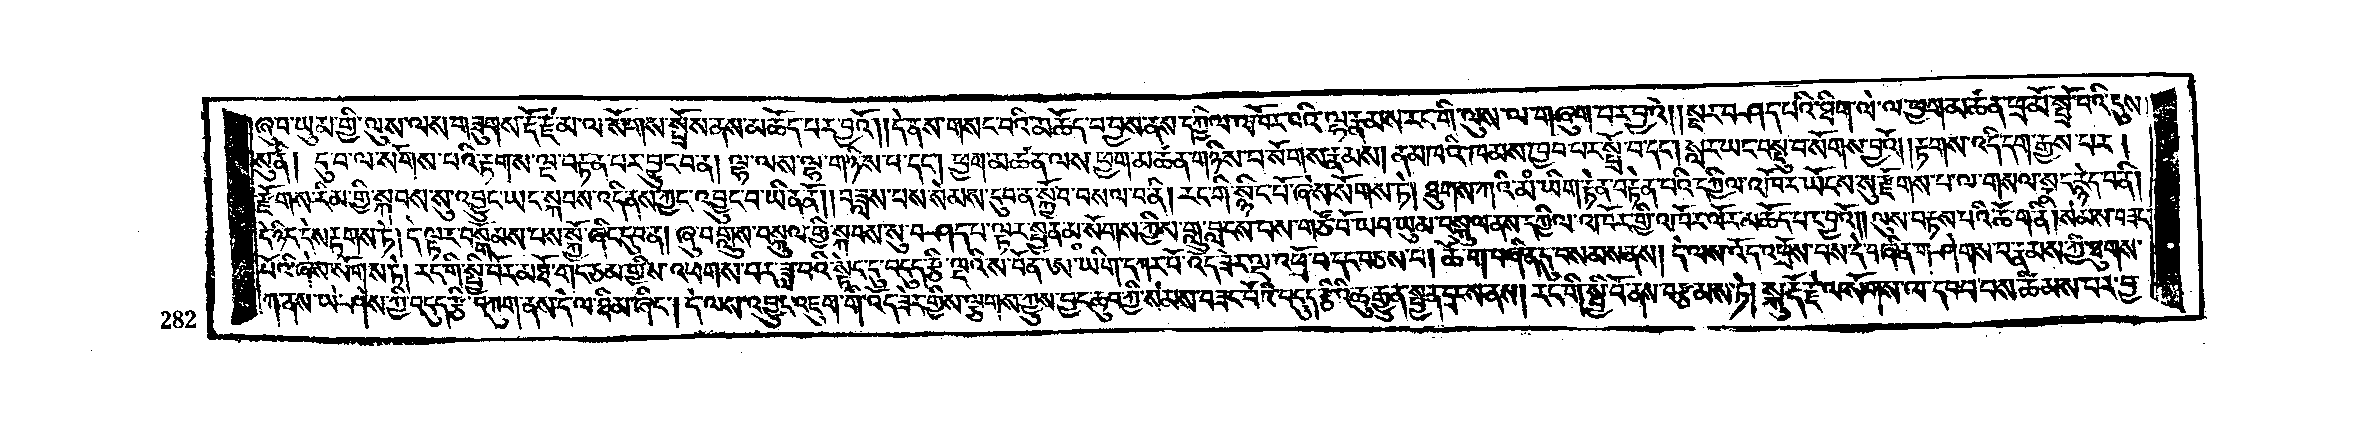ཞུ་བ་ཡུམ་གྱི་ལུས་ལས་གཟུགས་རྡོ་རྗེ་མ་ལ་སོགས་སྤྲོས་ནས་མཆོད་པར་བྱའོ། །དེ་ནས་གསང་བའི་མཆོད་པ་བྱས་ནས་དཀྱིལ་འཁོར་པའི་ལྷ་རྣམས་རང་གི་ལུས་ལ་གཞུག་པར་བྱའོ། །སྔར་བཤད་པའི་ཐིག་ལེ་ལ་ཕྱག་མཚན་ཕྲ་མོ་སྤྲོ་བའི་དུས་
སུ་ནི། དུ་བ་ལ་སོགས་པའི་རྟགས་ལྔ་བརྟན་པར་བྱུང་བ་ན། ལྷ་ལས་ལྷ་གཉིས་པ་དང་། ཕྱག་མཚན་ལས་ཕྱག་མཚན་གཉིས་པ་སོགས་རྣམས། ནམ་མཁའི་ཁམས་ཁྱབ་པར་སྤྲོ་བ་དང་། སླར་ཡང་བསྡུ་བ་སོགས་བྱའོ། །རྟགས་འདི་དག་རྒྱས་པར།
རྫོགས་རིམ་གྱི་སྐབས་སུ་འབྱུང་ཡང་སྐབས་འདི་ནས་ཀྱང་འབྱུང་བ་ཡིན་ནོ། །བཟླས་པས་སེམས་དུབ་ན་སྐྱོབ་བསལ་བ་ནི། རང་གི་སྙིང་པོ་ཞེས་སོགས་ཏེ། ཐུགས་ཀའི་མཾ་ཡིག་རྟེན་བརྟེན་པའི་དཀྱིལ་འཁོར་ཡོངས་སུ་རྫོགས་པ་ལ་གསལ་སྣང་རྙེད་པ་ནི།
དེ་ཉིད་དེས་རྟགས་ཏེ། དེ་ལྟར་བསྒོམས་པས་སྐྱོ་ཞིང་དུབ་ན། ཞུ་བ་གླུས་བསྐུལ་གྱི་སྐབས་སུ་བཤད་པ་ལྟར་སྤྱན་མ་སོགས་ཀྱིས་གླུ་བླངས་པས་གཙོ་བོ་ཡབ་ཡུམ་བསྐུལ་ནས་དཀྱིལ་འཁོར་གྱི་འཁོར་ལོར་མཆོད་པར་བྱའོ། །ལུས་བརྟས་པའི་ཆོ་ག་ནི། སེམས་བཟང་
པོའི་ཞེས་སོགས་ཏེ། རང་གི་སྤྱི་བོར་མཐོ་གང་ཙམ་གྱིས་འཕགས་པར་ཟླ་བའི་སྟེང་དུ་བདུད་རྩི་ལྔའི་ས་བོན་ཨ་ཡིག་དཀར་པོ་འོད་ཟེར་ལྔ་འཕྲོ་བ་དང་བཅས་པ། ཆོ་ག་བཞིན་དུ་བསམས་ནས། དེ་ལས་འོད་འཕྲོས་པས་དེ་བཞིན་གཤེགས་པ་རྣམས་ཀྱི་ཐུགས་
ཀ་ནས་ཡེ་ཤེས་ཀྱི་བདུད་རྩི་བཀུག་ནས་དེ་ལ་ཐིམ་ཞིང་། དེ་ལས་འབྱུང་འཇུག་གི་འོད་ཟེར་གྱིས་ལྕགས་ཀྱུས་བྱང་ཆུབ་ཀྱི་སེམས་བཟང་པོའི་བདུད་རྩིའི་ཆུ་རྒྱུན་སྤྱན་དྲངས་ནས། རང་གི་སྤྱི་བོ་ནས་བརྩམས་ཏེ། སྐུ་རྡོ་རྗེ་ལ་སོགས་ལ་དབབ་པས་ཚིམས་པར་བྱ་